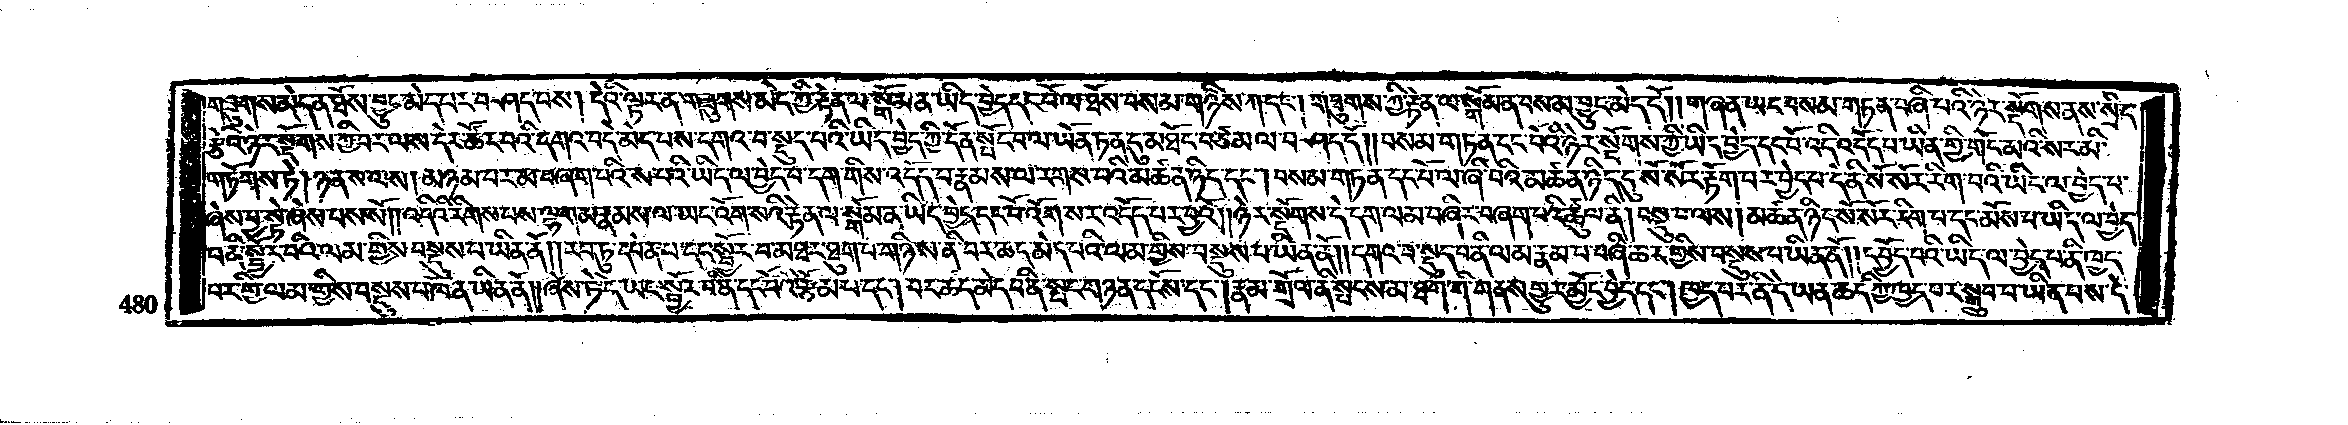གཟུགས་མེད་ན་ཐོས་བྱུང་མེད་པར་བཤད་པས། དེའི་ལྟར་ན་གཟུགས་མེད་ཀྱི་རྟེན་ལ་སྒོམ་ན་ཡིད་བྱེད་དང་པོ་ལ་ཐོས་བསམ་གཉིས་ཀ་དང་། གཟུགས་ཀྱི་རྟེན་ལ་སྒོམ་ན་བསམ་བྱུང་མེད་དོ། །གཞན་ཡང་བསམ་གཏན་བཞི་པའི་ཉེར་སྡོགས་ནས་སྲིད་
རྩེའི་ཉེར་སྡོགས་ཀྱི་བར་ལས་དེར་ཚོར་བའི་དགའ་བདེ་མེད་པས་དགའ་བ་སྡུད་པའི་ཡིད་བྱེད་ཀྱི་དོན་སྤོང་བ་ལ་ཡོན་ཏན་དུ་མཐོང་བ་ཙམ་ལ་བཤད་དོ། །བསམ་གཏན་དང་པོའི་ཉེར་སྡོགས་ཀྱི་ཡིད་བྱེད་དང་པོ་འདི་འདོད་པ་ཡིན་གྱི་གོང་མའི་སར་མི་
གཏོགས་ཏེ། ཉན་ས་ལས། མཉམ་པར་མ་བཞག་པའི་ས་པའི་ཡིད་ལ་བྱེད་པ་དག་གིས་འདོད་པ་རྣམས་ལ་རགས་པའི་མཚན་ཉིད་དང་། བསམ་གཏན་དང་པོ་ལ་ཞི་བའི་མཚན་ཉིད་དུ་སོ་སོར་རྟོག་པར་བྱེད་པ་དེ་ནི་སོ་སོར་རིག་པའི་ཡིད་ལ་བྱེད་པ་
ཞེས་བྱ་སྟེ་ཞེས་པས་སོ། །འདིའི་རིགས་པས་ལྷག་མ་རྣམས་ལ་ཡང་འོག་སའི་རྟེན་ལ་སྒོམ་ན་ཡིད་བྱེད་དང་པོ་འོག་སར་འདོད་པར་བྱའོ། །ཉེར་སྡོགས་དེ་དག་ལམ་བཞིར་བཞག་པའི་ཚུལ་ནི། བསྡུ་བ་ལས། མཚན་ཉིད་སོ་སོར་རིག་པ་དང་མོས་པ་ཡིད་ལ་བྱེད་
པ་ནི་སྦྱོར་བའི་ལམ་གྱིས་བསྡུས་པ་ཡིན་ནོ། །རབ་ཏུ་དབེན་པ་དང་སྦྱོར་བ་མཐར་ཐུག་པ་གཉིས་ནི་བར་ཆད་མེད་པའི་ལམ་གྱིས་བསྡུས་པ་ཡིན་ནོ། །དགའ་བ་སྡུད་པ་ནི་ལམ་རྣམ་པ་བཞི་ཆར་གྱིས་བསྡུས་པ་ཡིན་ནོ། །དཔྱོད་པའི་ཡིད་ལ་བྱེད་པ་ནི་ཁྱད་
བར་གྱི་ལམ་གྱིས་བསྡུས་པ་ཁོ་ན་ཡིན་ནོ། །ཞེས་ཏེ་དེ་ཡང་སྦྱོར་བ་ནི་དང་པོའི་རྩོམ་པ་དང་། བར་ཆད་མེད་པ་ནི་སྤང་གཉན་དངོས་དང་། རྣམ་གྲོལ་ནི་སྤངས་མ་ཐག་གི་གནས་གྱུར་མྱོང་བྱེད་དང་། ཁྱད་པར་ནི་དེ་ཡན་ཆད་ཀྱི་ཁྱད་པར་སྒྲུབ་པ་ཡིན་པས་དེ་